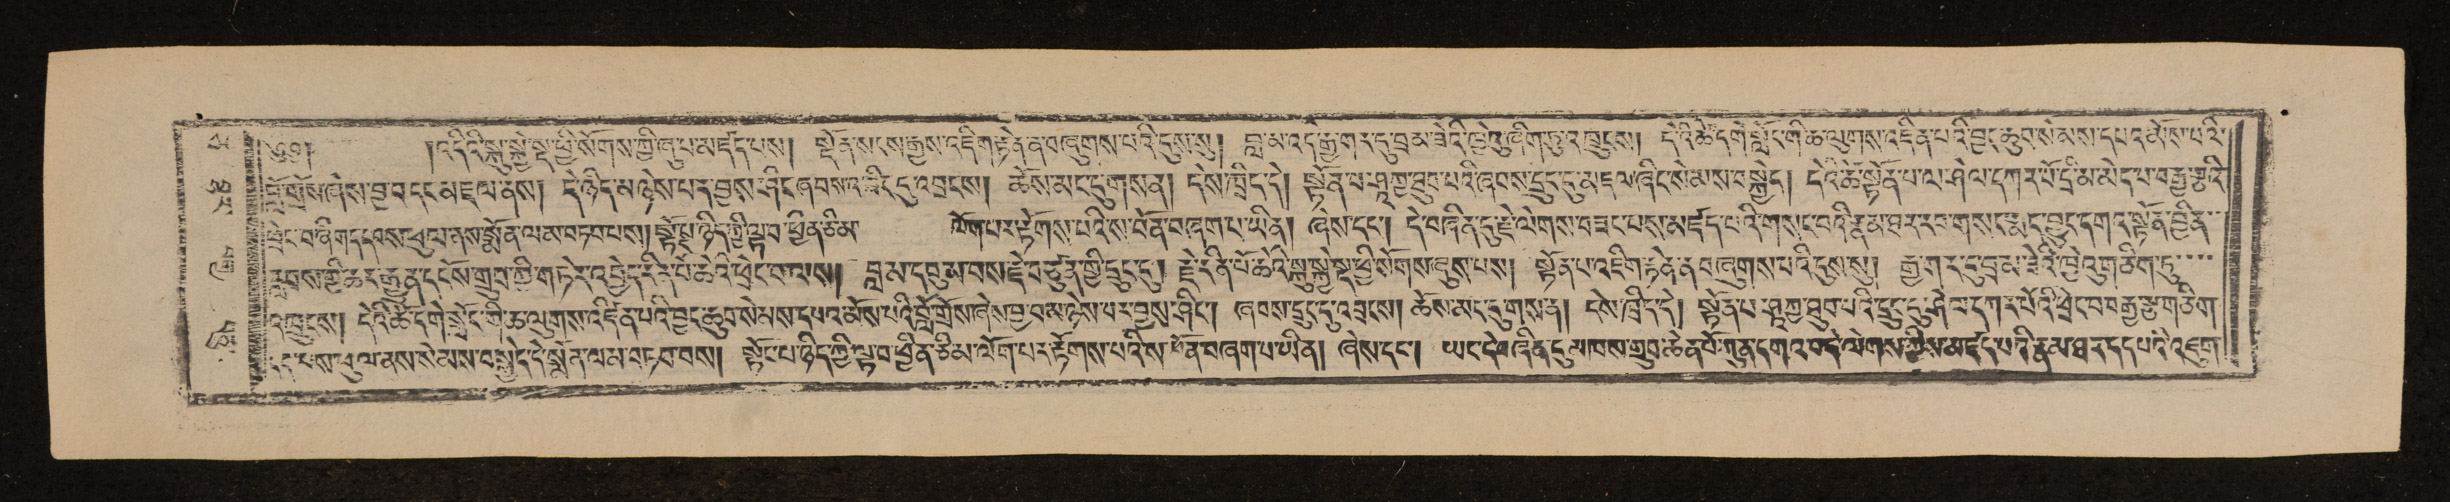༄༅། །འདིའི་སྐུ་སྐྱེ་སྔ་ཕྱི་སོགས་ཀྱི་ཞུ་བ་མཛད་པས། སྔོན་སངས་རྒྱས་འཇིག་རྟེན་ན་བཞུགས་པའི་དུས་སུ། བླ་མ་འདི་རྒྱ་གར་དུ་བྲམ་ཟེའི་ཁྱེའུ་ཞིག་ཏུ་འཁྲུངས། དེའི་ཚེ་དགེ་སློང་གི་ཆ་ལུགས་འཛིན་པའི་བྱང་ཆུབ་སེམས་དཔའ་མོས་པའི་
བློ་གྲོས་ཞེས་བྱ་བ་དང་མཇལ་ནས། དེ་ཉིད་མཉེས་པར་བྱས་ཤིང་ཞབས་འབྲིང་དུ་འབྲངས། ཆོས་མང་དུ་གསན། དེས་ཁྲིད་དེ། སྟོན་པ་ཤཱཀྱ་ཐུབ་པའི་ཞབས་དྲུང་དུ་མཇལ་ཞིང་སེམས་བསྐྱེད། དེའི་ཚེ་སྟོན་པ་ལ་ཤེལ་དཀར་པོ་དྲི་མ་མེད་པ་བརྒྱ་རྩའི་
ཕྲེང་བ་ཞིག་དད་པས་ཕུལ་ནས་སྨོན་ལམ་བཏབ་པས། སྟོང་པ་ཉིད་ཀྱི་ལྟ་བ་ཕྱིན་ཅི་མ་ལོག་པར་རྟོགས་པའི་ས་བོན་བཞག་པ་ཡིན། ཞེས་དང་། དེ་བཞིན་དུ་རྗེ་ལེགས་བཟང་པས་མཛད་པའི་གསང་བའི་རྣམ་ཐར་རབ་གསང་རྨད་བྱུང་དགའ་སྟོན་བྱིན་
རླབས་ཀྱི་ཆར་རྒྱུན་དངོས་གྲུབ་ཀྱི་གཏེར་འབྱེད་རིན་པོ་ཆེའི་ཕྲེང་བ་ལས། བླ་མ་དབུ་མ་པས་རྗེ་བཙུན་གྱི་དྲུང་དུ། རྗེ་རིན་པོ་ཆེའི་སྐུ་སྐྱེ་སྔ་ཕྱི་སོགས་ཞུས་པས། སྟོན་པ་འཇིག་རྟེན་ན་བཞུགས་པའི་དུས་སུ། རྒྱ་གར་དུ་བྲམ་ཟེའི་ཁྱེའུ་གཅིག་ཏུ་
འཁྲུངས། དེའི་ཚེ་དགེ་སློང་གི་ཆ་ལུགས་འཛིན་པའི་བྱང་ཆུབ་སེམས་དཔའ་མོས་པའི་བློ་གྲོས་ཞེས་བྱ་བ་མཉེས་པར་བྱས་ཤིང་། ཞབས་དྲུང་དུ་འབྲངས། ཆོས་མང་དུ་གསན། དེས་ཁྲིད་དེ། སྟོན་པ་ཤཱཀྱ་ཐུབ་པའི་དྲུང་དུ་ཤེལ་དཀར་པོའི་ཕྲེང་བ་བརྒྱ་རྩ་གཅིག་
དད་པས་ཕུལ་ནས་སེམས་བསྐྱེད་དེ་སྨོན་ལམ་བཏབ་པས། སྟོང་པ་ཉིད་ཀྱི་ལྟ་བ་ཕྱིན་ཅི་མ་ལོག་པར་རྟོགས་པའི་ས་བོན་བཞག་པ་ཡིན། ཞེས་དང་། ཡང་དེ་བཞིན་དུ་མཁས་གྲུབ་ཆེན་པོ་ཀུན་དགའ་བདེ་ལེགས་ཀྱིས་མཛད་པའི་རྣམ་ཐར་དད་པའི་འཇུག་